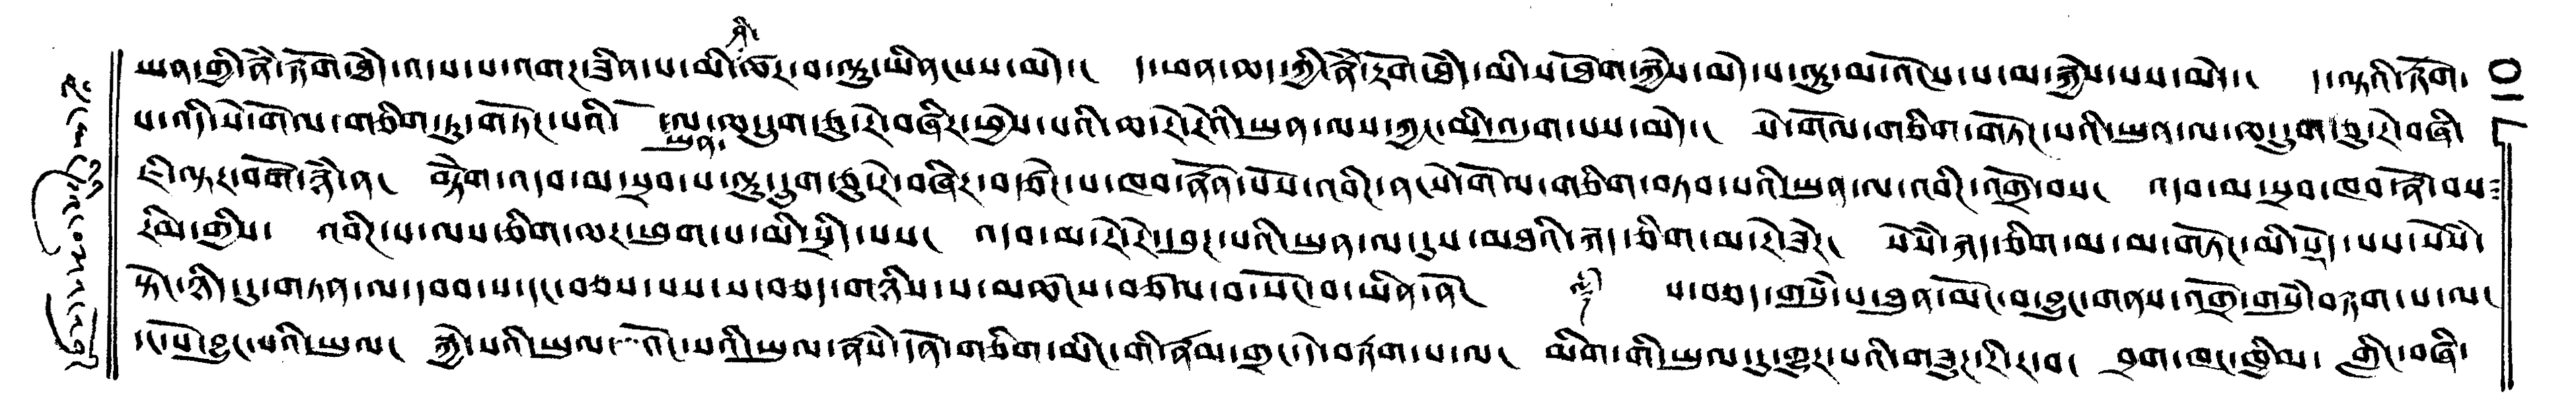ཡན་གྱི་རྣམ་རྟོག་ཐམས་ཅད་འདས་པ་འགགས་ཟིན་པ་མི་ཤི་ཚར་བ་ལྟ་བུ་ཡིན་པས་མེད། ད་ཕན་ཆད་ཀྱི་རྣམ་རྟོག་ཐམས་ཅད་མི་ས་ཐོག་སྐྱེས་མེད་པ་ལྟ་བུ་མ་འོངས་པ་མ་སྐྱེས་པས་མེད། ད་ལྟའི་རྟོག་
པ་འདི་སེ་གོལ་གཅིག་ཏུ་གཏོགས་པའི་ཡུན་ལ་ཆ་དྲུག་རེ་བཞིར་ཕྱེས་པའི་ཆ་རེ་རེའི་ཡུལ་ལས་ཀྱང་མི་འདུག་པས་མེད། སེ་གོལ་གཅིག་གཏོགས་པའི་ཡུན་ལ་ཆ་དྲུག་ཅུ་རེ་བཞི་
ཇི་ལྟར་བགོ་སྙམ་ན། མེ་ཏོག་འདབ་མ་སྲབ་པ་ལྟ་བུ་དྲུག་ཅུ་རེ་བཞིར་བརྩེགས་པ་ཁབ་རྣོན་པོས་འབིགས་ན་སེ་གོལ་གཅིག་བཏབ་པའི་ཡུན་ལ་འབིགས་འགྲོ་བས། འདབ་མ་སྲབ་པ་ཁབ་སྣོ་བས་
རིམ་གྱིས་འབིགས་པ་ལས་ཅིག་ཆར་ཕུག་པ་མི་སྲིད་པས། འདབ་མར་རེ་རེ་འབུགས་པའི་ཡུན་ལ་དུས་མཐའི་སྐད་ཅིག་མ་རེ་ཟེར། སེམས་སྐད་ཅིག་མ་མ་གཏོགས་མི་སྡོད་པས་སེམས་
སྟོང་ཉིད་དུ་གཏན་ལ་དབབ་པ་དང་བཅས་པས་ས་བཅད་གཉིས་པ་མཚང་བཙལ་བ་སོང་བ་ཡིན་ནོ། ༈ ས་བཅད་གསུམ་པ་ཐུན་མོང་བ་བྱུང་གནས་འགྲོ་གསུམ་བརྟག་པ་ལ། 
དང་པོ་བྱུང་བའི་ཡུལ། སྐྱེ་སའི་ཡུལ་འོང་སའི་ཡུལ་རྣམས་དོན་གཅིག་མིང་གི་རྣམ་གྲངས་དེ་བརྟག་པ་ལ། མིག་གི་ཡུལ་དུ་གྱུར་པའི་གཟུགས་རི་ར་བ། བྲག་ཁང་ཁྱིམ། གླིང་བཞི་